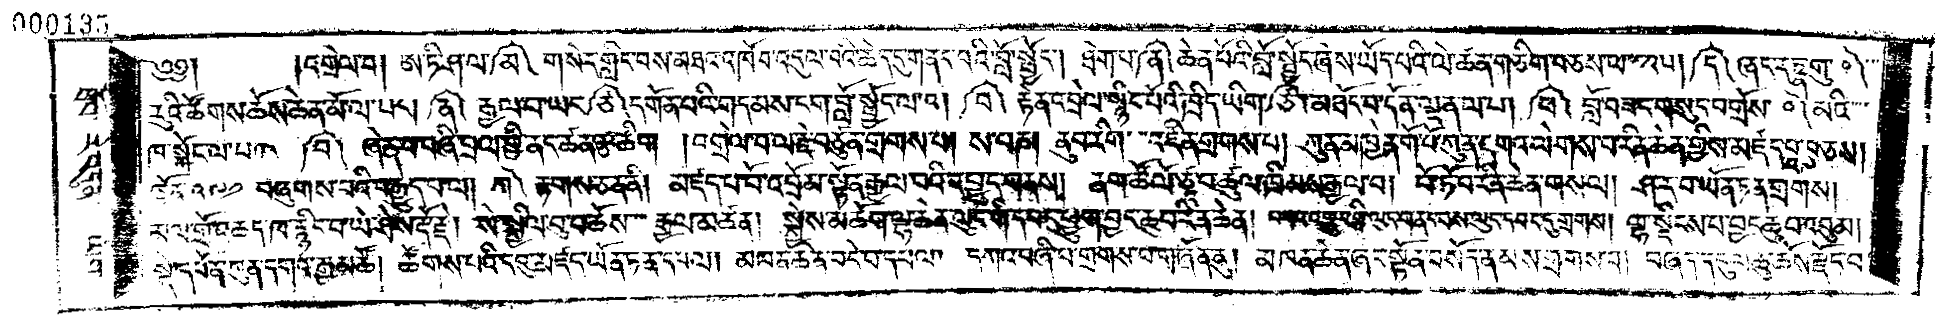༄༅། །འགྲེལ་བ། ཨ་ཏི་ཤ་ལ ༼མ༽ གསེར་གླིང་བས་མཐའ་འཁོབ་འདུལ་བའི་ཆེད་དུ་གནང་བའི་བློ་སྦྱོང་། ཐེག་པ ༼ན༽ ཆེན་པོའི་བློ་སྦྱོང་ཞེས་ཡོད་པའི་ལེ་ཚན་གཅིག་བཅས་ལ ༣༥། ༼ད༽ ཞང་རཏྣ་གུ་
རུའི་ཚོགས་ཆོས་ཆེན་མོ་ལ ༥༨། ༼ན༽ རྒྱལ་བ་ཡང ༼ཙ༽ དགོན་པའི་གདམས་ངག་བློ་སྦྱོང་ལ ༢། ༼བ༽ རྟེན་འབྲེལ་སྙིང་པོའི་ཁྲིད་ཡིག ༼ཙ༽ མཐོང་བ་དོན་ལྡན་ལ་པ། ༼ཕ༽ བློ་བཟང་གསུང་བགྲོས་མའི་
ཁ་སྐོང་ལ ༥༡། ༼བ༽ ཞེན་པ་བཞི་བྲལ་གྱི་ནང་ཚན་རྩ་ཚིག །འགྲེལ་བ་ལ་རྗེ་བཙུན་གྲགས་པ། ས་པཎ། ནུབ་རིག་འཛིན་གྲགས་པ། ཀུན་མཁྱེན་གོ་བོ་ཀུན་དགའ་ལེགས་པ་རིན་ཆེན་གྱིས་མཛད་པཱ་བཅས།
ཁྱོན ༢༧༡་བཞུགས་བའི་བརྒྱུད་པ་ལ། ༼ཀ༽ རྟགས་ཅན་ནི། མཛད་པ་པོ་འབྲོམ་སྟོན་རྒྱལ་བའི་འབྱུང་གནས། ནག་ཚོ་ལོ་ཙཱ་པ་ཚུལ་ཁྲིམས་རྒྱལ་བ། པོ་ཏོ་བ་རིན་ཆེན་གསལ། ཤ་ར་བ་ཡོན་ཏན་གྲགས།
མལ་གྲོ་འཆད་ཁ་རྙིང་པ་ཡེ་ཤེས་རྡོ་རྗེ། སེ་སྐྱིལ་བུ་བ་ཆོས་རྒྱལ་མཚན། སྐྱེས་མཆོག་ལྷ་ཆེན་ལུང་གི་དབང་ཕྱུག་བྱང་ཆུབ་རིན་ཆེན། བཀའ་འགྲུབ་གྱི་ལུང་གནང་བས་ལུང་དབང་དུ་གྲགས།  ལྷ་སྡིངས་པ་བྱང་ཆུབ་འབུམ།
སྡེ་དཔོན་ཀུན་དགའ་རྒྱ་མཚོ། ཚོགས་པའི་དབུ་མཛད་ཡོན་ཏན་དཔལ། མཁན་ཆེན་བདེ་བ་དཔལ། དཀའ་བཞི་པ་གྲགས་པ་བཞོན་ནུ། མཁན་ཆེན་བདེ་བ་དཔལ། དཀའ་བཞི་པ་གྲགས་པ་གཞོན་ནུ། མཁན་ཆེན་ཞང་སྟོན་བསོད་ནམས་གྲགས་པ། བཞད་དངུལ་ཆུ་ཆོས་རྫོང་བ་